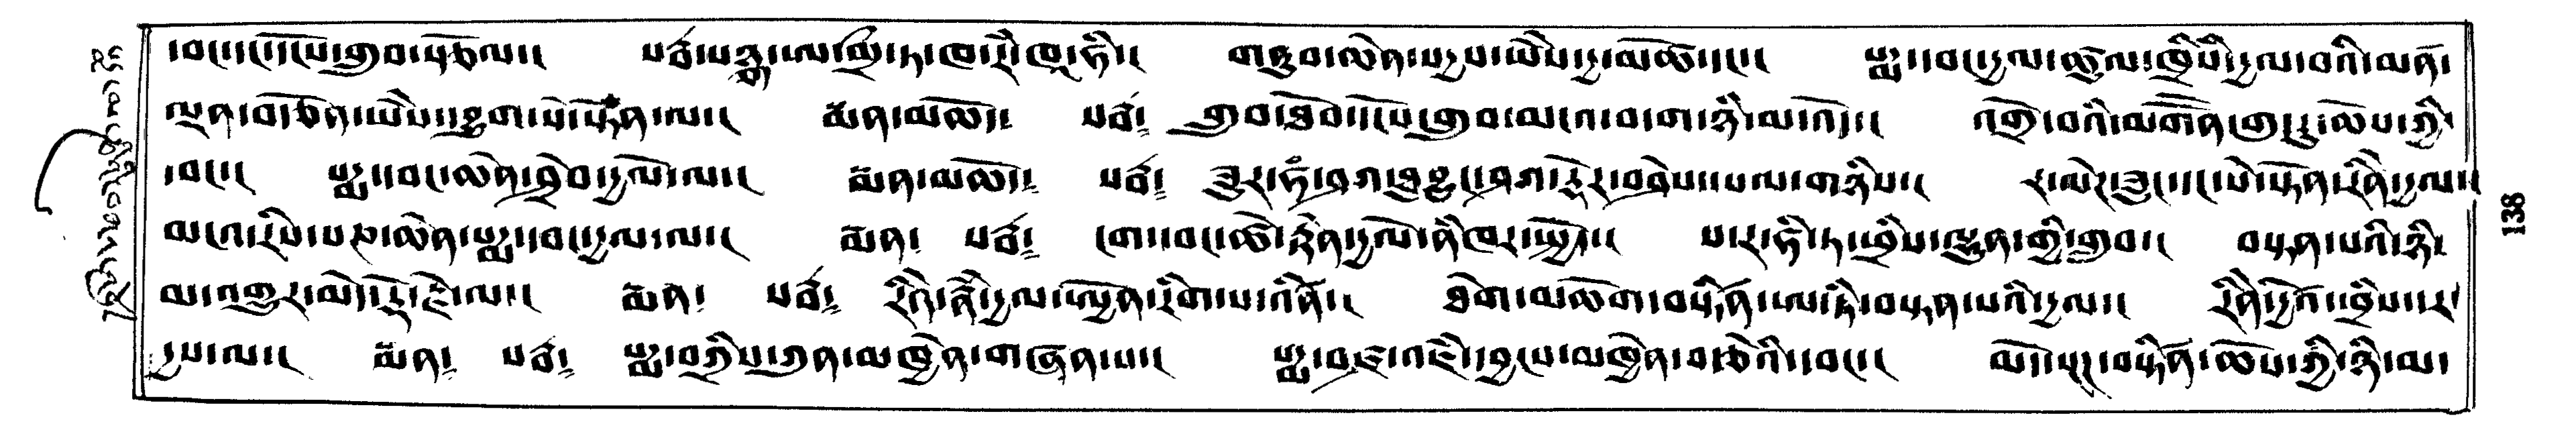དབང་དང་དངོས་གྲུབ་སྩོལ། །སརྦ་པཉྩ་ཨ་མྲྀ་ཏ་ཁ་རཾ་ཁཱ་ཧི། གནུབས་ཆེན་སངས་རྒྱས་ཡེ་ཤེས་རྒྱ་མཚོ་དང་། །པདྨ་དབང་རྒྱལ་ཚུལ་ཁྲིམས་རྒྱལ་བའི་མཚན། །
ལྡན་བཙོན་ཡེ་ཤེས་དབང་ཕྱུག་སོ་སྟོན་ལ། །སྨན་མཆོད༴ སརྦ༴ གྲུབ་ཐོབ་དངོས་གྲུབ་མངའ་བདག་ཉི་མ་འོད། །འགྲོ་བའི་མགོན་པོ་གུ་རུ་ཆོས་ཀྱི་
དབང་། །པདྨ་དབང་ཆེན་ཤེས་རབ་རྒྱལ་པོ་ལ། །སྨན་མཆོད༴ སརྦ༴ ཟུར་ཧཾ་ཤཀ་འབྱུང་ཤཀ་རྡོར་བཤེས་དཔལ་གཉིས། །ར་ལེགས་ཟུང་དང་སེ་སྟོན་རིན་ཆེན་རྒྱལ། 
མངའ་རིས་པཎ་ཆེན་པདྨ་དབང་རྒྱལ་ལ། །སྨན༴ སརྦ༴ ངག་དབང་ཚེ་བརྟན་རྒྱལ་པོ་ནམ་མཁར་སྤྱོད། །པ་ར་ཧི་ཏ་ཕྲིན་ལས་ལྷུན་གྱི་གྲུབ། །བསྟན་པའི་ཉི་
མ་འགྱུར་མེད་རྡོ་རྗེ་ལ། །སྨན༴ སརྦ༴ རིན་ཆེན་རྣམ་རྒྱལ་ཨོ་རྒྱན་རིག་པ་འཛིན། །ཐེག་མཆོག་བསྟན་འཛིན་ཨ་ཏི་བསྟན་པའི་རྒྱལ། །རིན་ཆེན་རྒྱ་མཚོ་ཕྲིན་ལས་དར་
རྒྱས་ལ། །སྨན༴ སརྦ༴ པདྨ་བཀྲ་ཤིས་ཀུན་མཁྱེན་གཞན་ཕན་ཞབས། །པདྨ་བཛྲ་འཇམ་དབྱངས་མཁྱེན་བརྩེའི་དབང་། །མདོ་སྔགས་བསྟན་འཛིན་ཆོས་ཀྱི་ཉི་མ་